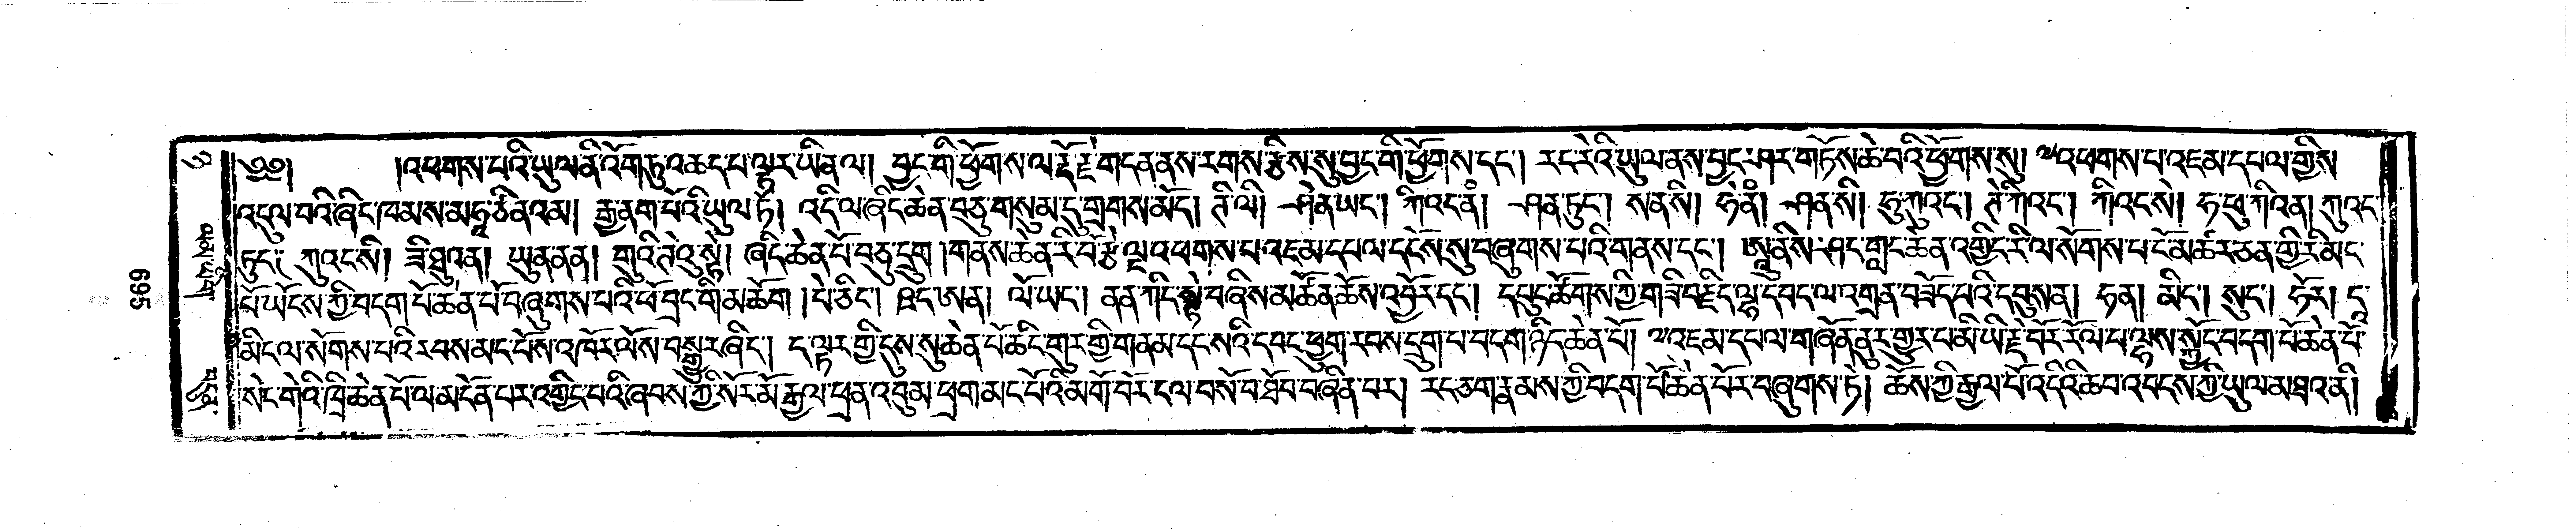༄༅། །འཕགས་པའི་ཡུལ་ནི་འོག་ཏུ་འཆད་པ་ལྟར་ཡིན་ལ། བྱང་གི་ཕྱོགས་ལ་རྡོ་རྗེ་གདན་ནས་རགས་རྩིས་སུ་བྱང་གི་ཕྱོགས་དང་། རང་རེའི་ཡུལ་ནས་བྱང་ཤར་གཏོས་ཆེ་བའི་ཕྱོགས་སུ། ༧འཕགས་པ་འཇམ་དཔལ་གྱིས་
འདུལ་བའི་ཞིང་ཁམས་མཧཱ་ཙིནའམ། རྒྱ་ནག་པོའི་ཡུལ་ཏོ། འདི་ལ་ཞིང་ཆེན་བཅུ་གསུམ་དུ་གྲགས་མོད། ཊི་ལི། ཤེན་ཡང་། ཀིའང་ནཾ། ཤན་ཏུང་། སན་སི། ཧེ་ནཾ། ཤན་སི། ཧུ་ཀུའང་། ཊེ་ཀིའང་། ཀིའང་སེ། ཧ་ཕུ་ཀིའན། ཀུའང་
ཏུང༑ ཀུའང་སི། ཟི་ཐུའན། ཡུན་ནན། གུའི་ཊེའུ་སྟེ། ཞིད་ཆེན་པོ་བཅུ་དྲུག །གནས་ཆེན་རི་བོ་རྩེ་ལྔ་འཕགས་པ་འཇམ་དཔལ་དངོས་སུ་བཞུགས་པའི་གནས་དང་། ཨཱུ་ནིས་ཤང་གླང་ཆེན་འགྱིང་རི་ལ་སོགས་པ་ངོ་མཚར་ཅན་གྱི་རི་མང་
པོ་ཡོངས་ཀྱི་བདག་པོ་ཆེན་པོ་བཞུགས་པའི་ཕོ་བྲང་གི་མཆོག །པེ་ཅིང་། ཊཿཨད་ཨན། ལོ་ཡང་། ནན་ཀིད་སྟེ་བཞིས་མཚོན་ཆོས་འབྱོར་དང་། དཔུང་ཚོགས་ཀྱི་གཟི་བརྗིད་ལྷ་དབང་ལ་འགྲན་བཟོད་པའི་དབུས་ན། ཧན། མིང་། སུང་། ཧོར། དཱ་
མིང་ལ་སོགས་པའི་རབས་མང་པོས་འཁོར་ལོས་བསྒྱུར་ཞིང་། ད་ལྟར་གྱི་དུས་སུ་ཆེན་པོ་ཆིང་གུར་གྱི་གནམ་དང་སའི་དབང་ཕྱུག་རབས་དྲུག་པ་བདག་ཉིད་ཆེན་པོ། ༧འཇམ་དཔལ་གཞོན་ནུར་གྱུར་པ་མི་ཡི་རྗེ་བོར་རོལ་པ་ལྷས་སྐྱོང་བདག་པོ་ཆེན་པོ་
སེང་གེའི་ཁྲི་ཆེན་པོ་ལ་མངོན་པར་འགྱིང་པའི་ཞབས་ཀྱི་སོར་མོ་རྒྱལ་ཕྲན་འབུམ་ཕྲག་མང་པོའི་མགོ་བོར་ངལ་བསོ་བ་ཐོབ་བཞིན་པར། རང་ཅག་རྣམས་ཀྱི་བདག་པོ་ཆེན་པོར་བཞུགས་ཏེ། ཆོས་ཀྱི་རྒྱལ་པོ་འདིའི་ཆབ་འབངས་ཀྱི་ཡུལ་མཐའ་ནི།